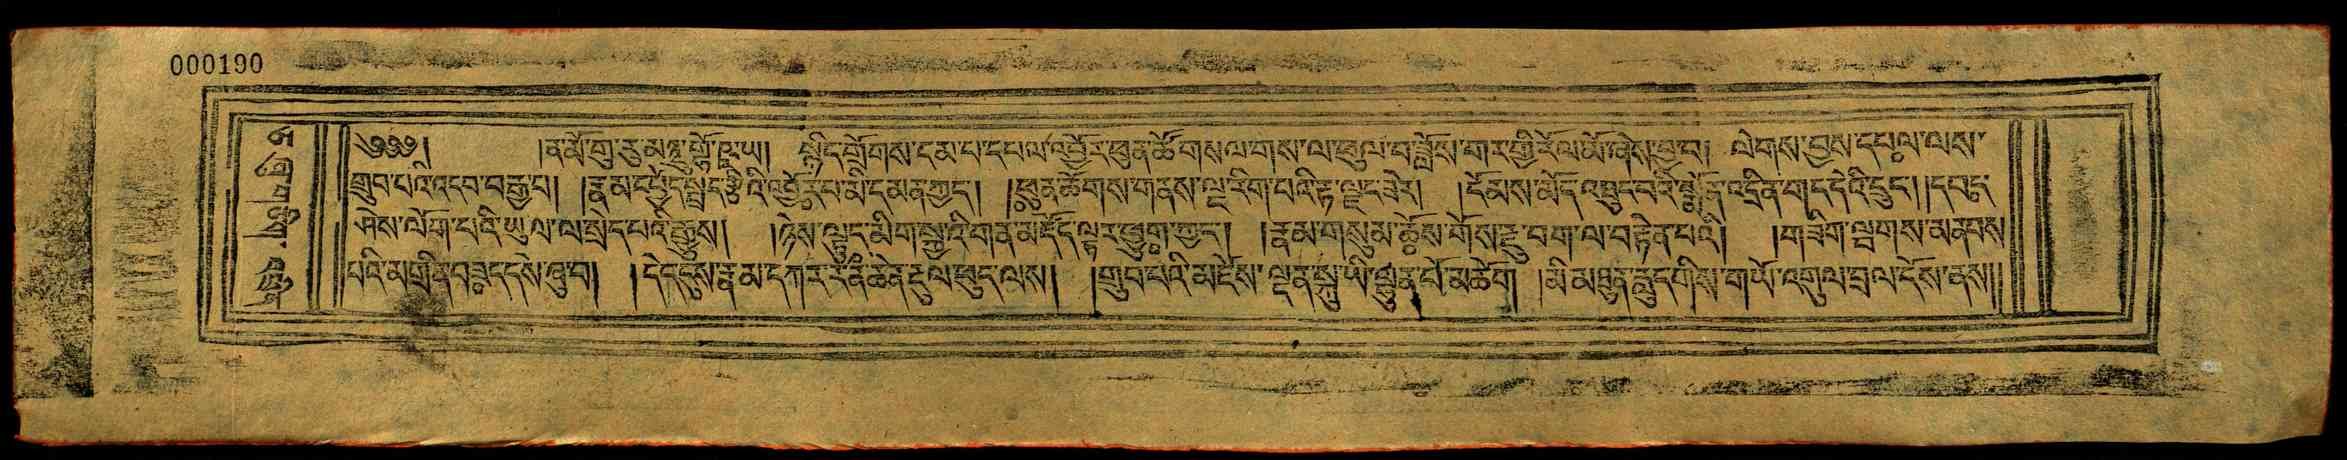༄༅༅། །ན་མོ་གུ་རུ་མཉྫུ་གྷོ་ཥཱ་ཡ། སྙིང་གྲོགས་དམ་པ་དཔལ་འབྱོར་ཕུན་ཚོགས་ལགས་ལ་ཕུལ་བ་ཟློས་གར་གྱི་རོལ་མོ་ཞེས་བྱ་བ། ལེགས་བྱས་དཔལ྾་ལ་ལས་
གྲུབ་པའི་འདབ་བརྒྱ་པ། །རྣམ་དཔྱོད་སྦྲང་རྩིའི་འབྱོར་པ་མི་དམན་ཀྱང་། །ཕུན྾་ཚོགས྾་གནས་ལྔ་རིག་པའི་རྟ་ལྗང་ཟེར། །ངོམས་མེད་འཐུང་པའི་སྨོན་འདྲིན་གང་དེའི་དྲུང་། །དབང྾་
ཤེས་ལོག་པའི་ཡུལ་ལ་སྲེང་པའི་རྒྱུས། །ཉེས་ལྟུང་མིག་སྐྱེའི་གན་མཛོད་ལྟར་ཕྱུག་ཀྱང་། །རྣམ་གསུམ་ཆོས་གོས་རྫུ་བག་ལ་བརྟེན་པའི། །གཟིག་ལྤགས་མནབས་
པའི་མགྲིན་བཟང྾་དེས་ཞུ་བ། །དེང་དུས་རྣམ་དཀར་རིན་ཆེན་རྡུལ་ཕུང་ལས། །གྲུབ་པའི་མཛེས་ལྡན་སྐུ་ཡི་ལྷུན་པོ་མཆོག །མི་མཐུན་རླུང་གིས་གཡོ་འགུལ་བྲལ་ངོས་ནས།།